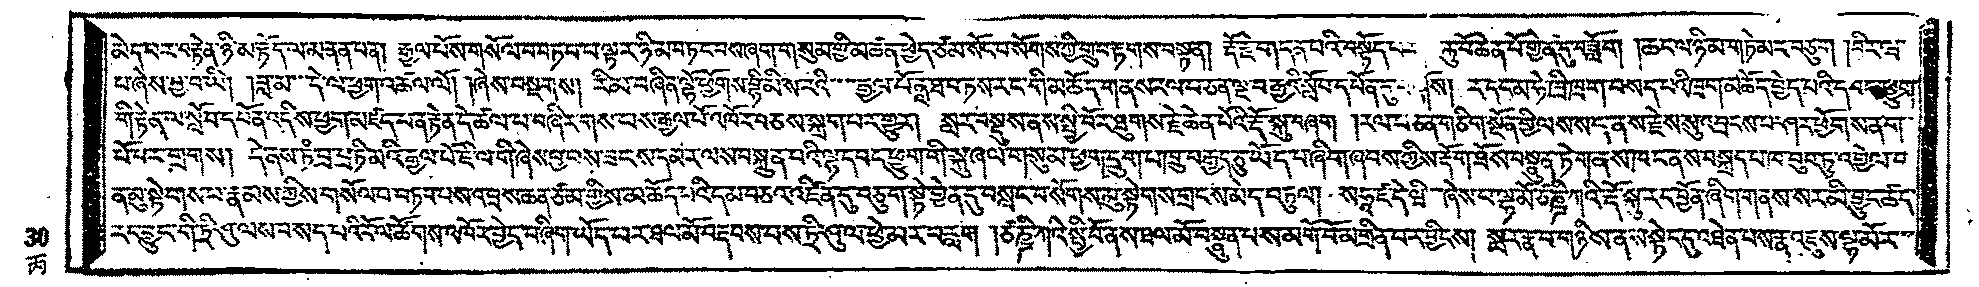མེད་པར་བརྟེན་ཉི་མ་རྟོད་ལ་མནན་པ་ན། རྒྱལ་པོས་གསོལ་བ་བཏབ་པ་ལྟར་ཉི་མ་བཏང་བས་ཞག་གསུམ་གྱི་མཚན་ཕྱེད་ཙམ་སོང་བ་སོགས་ཀྱི་གྲུབ་རྟགས་བསྟན། རྡོ་རྗེ་གདན་པའི་བསྟོད་པར། ཆུ་བོ་ཆེན་པོ་གྱེན་དུ་བཟློག །ཆང་ལ་ཉི་མ་གཏེ་མར་བཅུག །བིར་ཝ་
པ་ཞེས་བྱ་བ་ཡི། །བླ་མ་དེ་ལ་ཕྱག་འཚལ་ལོ། །ཞེས་བསྔགས། རིམ་བཞིན་ལྷོ་ཕྱོགས་བྷི་མི་ས་རའི་རྒྱལ་པོ་ནཱ་ཐ་བ་ཏས་རང་གི་མཆོད་གནས་རལ་པ་ཅན་ལྔ་བརྒྱའི་སློབ་དཔོན་དུ་བསྐོས། ར་དང་མ་ཧེ་ཁྲི་ཁྲག་བསད་པའི་ཁྲག་མཆོད་བྱེད་པའི་དབང་ཕྱུག་
གི་རྟེན་ལ་སློབ་དཔོན་འདིས་ཕྱག་མཛད་པ་ན་རྟེན་དེ་ཚལ་པ་བཞིར་གས་པས་རྒྱལ་པོ་འཁོར་བཅས་སྐྲག་པར་གྱུར། སླར་བསྡུས་ནས་སྤྱི་བོར་ཐུགས་རྗེ་ཆེན་པོའི་རྡོ་སྐུ་བཞག །རལ་པ་ཅན་གཅིག་སྔོན་གྱི་ལས་སད་ནས་རྗེས་སུ་འབྲངས་པ་ཤར་ཕྱོགས་ནག་
པོ་པར་གྲགས། དེ་ནས་ཏཾ་བྲ་པྲ་ཏི་མའི་རྒྱལ་པོ་ཇི་ལ་གི་ཞེས་བྱ་བས་ཟངས་དམར་ལས་བསྐྲུན་པའི་ལྷ་དབང་ཕྱུག་གི་སྐུ་ཞལ་གསུམ་ཕྱག་དྲུག་པ་ཁྲུ་བརྒྱད་ཅུ་ཡོད་པ་ཞིག་ཞབས་ཀྱིས་རྡོག་ཐོས་བསྣུན་ཏེ་གནས་ཁང་ནས་བསྐྲད་པ་ཁ་པུབ་ཏུ་འགྱེལ་བ་
ན་མུ་སྟེགས་པ་རྣམས་ཀྱིས་གསོལ་བ་བཏབ་པས་འབྲས་ཅན་ཙམ་གྱིས་མཆོད་པའི་དམ་བཅའ་འཛིན་དུ་བཅུག་སྟེ་གྱེན་དུ་བསླང་བ་སོགས་མུ་སྟེགས་གྲངས་མེད་བཏུལ། སཧཱ་ཛ་དེ་ཝི་ཞེས་པ་ལྷ་མོ་ཙཎྜི་ཀའི་རྡོ་སྐུ་རང་བྱོན་ཞིག་གནས་སར་མི་བྱུང་ཚད་
རང་བྱུང་གི་ཏྲི་ཤུ་ལས་བསད་པའི་རོ་ལ་ཚོགས་འཁོར་བྱེད་པ་ཞིག་ཡོད་པར་ཐལ་མོ་བརྡབས་བས་ཏྲི་ཤུ་ལ་ཕྱེ་མར་བརླག །ཙཎྜི་ཀའི་སྤྱི་བོ་ནས་ཐལ་མོ་བསྣུན་པས་མགོ་བོ་མགྲིན་པར་བྱིངས། སླར་རྣ་བ་གཉིས་ནས་སྟེང་དུ་འཐེན་པས་རྣ་འཇུས་ལྷ་མོར་